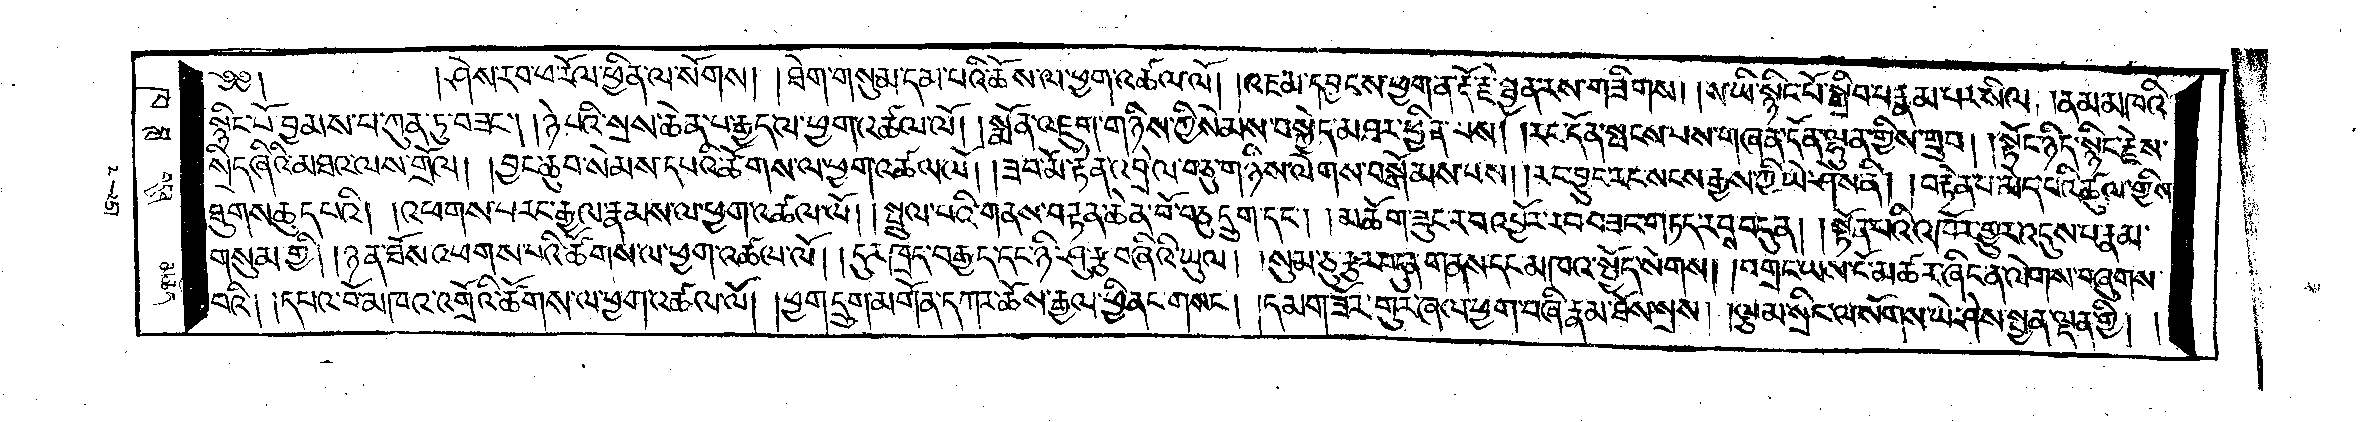༄༅། །ཤེས་རབ་ཕ་རོལ་ཕྱིན་ལ་སོགས། །ཐེག་གསུམ་དམ་པའི་ཆོས་ལ་ཕྱག་འཚལ་ལོ། །འཇམ་དབྱངས་ཕྱག་ན་རྡོ་རྗེ་སྤྱན་རས་གཟིགས། །ས་ཡི་སྙིང་པོ་སྒྲིབ་པ་རྣམ་པར་སིལ། །ནམ་མཁའི་
སྙིང་པོ་བྱམས་པ་ཀུན་ཏུ་བཟང་། །ཉེ་བའི་སྲས་ཆེན་པ་རྒྱད་ལ་ཕྱག་འཚལ་ལོ། །སྨོན་འཇུག་གཉིས་ཀྱི་སེམས་བསྐྱེད་མཐར་ཕྱིན་པས། །རང་དོན་སྤངས་པས་གཞན་དོན་ལྷུན་གྱིས་གྲུབ། །སྟོང་ཉིད་སྙིང་རྗེས་
སྲིད་ཞིའི་མཐའ་ལས་གྲོལ། །བྱང་ཆུབ་སེམས་དཔའི་ཚོགས་ལ་ཕྱག་འཚལ་ལོ། །ཟབ་མོ་རྟེན་འབྲེལ་བཅུ་གཉིས་ལེགས་བསྒོམས་པས། །རང་བྱུང་རང་སངས་རྒྱས་ཀྱི་ཡེ་ཤེས་ནི། །བརྟེན་པ་མེད་པའི་ཚུལ་གྱིས་
ཐུགས་ཆུད་པའི། །འཕགས་པ་རང་རྒྱལ་རྣམས་ལ་ཕྱག་འཚལ་ལོ། །སྤྲུལ་པའི་གནས་བརྟན་ཆེན་བོ་བཅུ་དྲུག་དང་། །མཆོག་ཟུང་རབ་འབྱོར་རབ་བཟང་གཏད་རབས་བདུན། །སྟོན་བའི་འཁོར་གྱུར་འདུས་པ་རྣམ་
གསུམ་གྱི། །ཉན་ཐོས་འཕགས་པའི་ཚོགས་ལ་ཕྱག་འཚལ་ལོ། །དུར་ཁྲད་བརྒྱད་དང་ཉི་ཤུ་རྩ་བཞིའི་ཡུལ། །སུམ་ཅུ་རྩལ་བདུན་གནས་དང་མཁའ་སྤྱོད་སོགས། །བགྲང་ཡས་ངོ་མཚར་ཞིང་ན་ལེགས་བཞུགས་
བའི། །དཔའ་བོ་མཁའ་འགྲོའི་ཚོགས་ལ་ཕྱག་འཚལ་ལོ། །ཕྱག་དྲུག་མགོན་དཀར་ཆོས་རྒྱལ་ཕྱི་ནང་གསང་། །དམག་ཟར་གུར་ཞལ་ཕྱག་བཞི་རྣམ་ཐོས་སྲས། །ལྕམ་སྲིང་ལ་སོགས་ཡེ་ཤེས་སྤྱན་ལྡན་གྱི། །